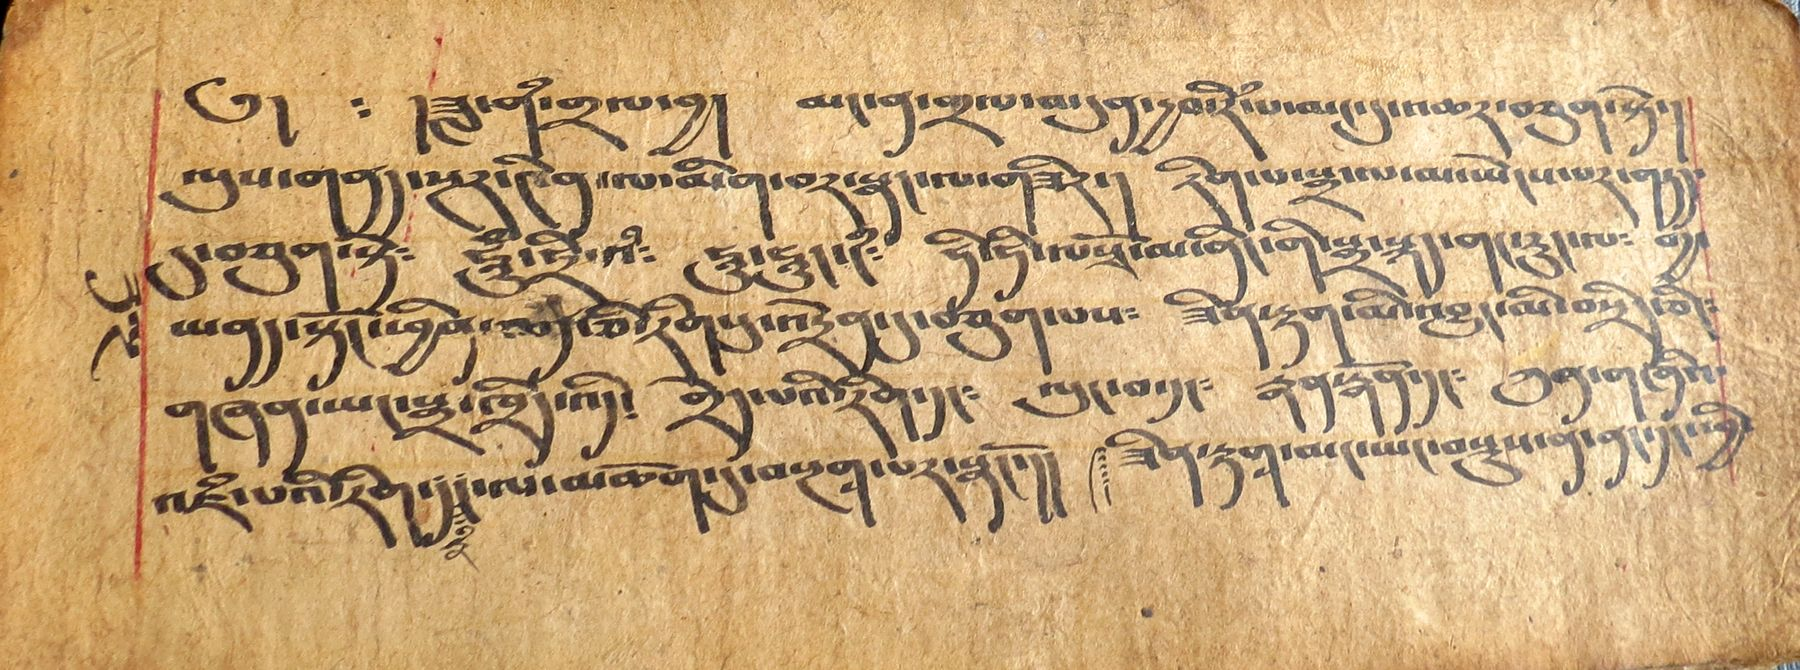ཟླ་གམ་གྲལ་བྱ། མང་ན་གྲལ་མདུན་རྒྱབ་རིམ་པ་མང་དུ་འཆར་བཅུགས་ཏེ། 
ལུས་གནད་སྔར་བཞིན་ལ་མིག་བར་སྣང་ལ་གཟེར། རིག་པ་སྒྲ་ལ་མ་ཡེངས་པར་གཏད་
དུ་བཅུག་སྟེ་ཧཱུྃ་ཧྲི་འམ། ཧུ་ཧཱུྃ་ངམ། ཧི་ཧིང་ལ་སོགས་མ་ནིང་གི་སྒྲ་སྐད་གང་རུང་ལ་བརྒྱ་
ཡན་ཆད་སྟོང་ཕྱིན་ཆད་ཅི་རིགས་སུ་འདྲེན་དུ་བཅུག་པས་ཟིན་རྟགས་མི་འབྱུང་མི་སྲིད་ཅིང་། 
གཞན་ཡང་སྒྲ་ཁྲིད་འདི་གྲེད་༼དྲེད༽པའི་རིགས་ལོང་བ་དང་། རྒན་རྒོན་དང་ཀུན་གཞི་
འཇམ་པའི་རིགས་རྣམས་ལ་མཆོག་ཏུ་བསྔགས་པར་སྣང་ངོ་། ཟིན་རྟགས་མང་ཡང་བསྡུས་ན་ནང་དང་ཕྱིའི་